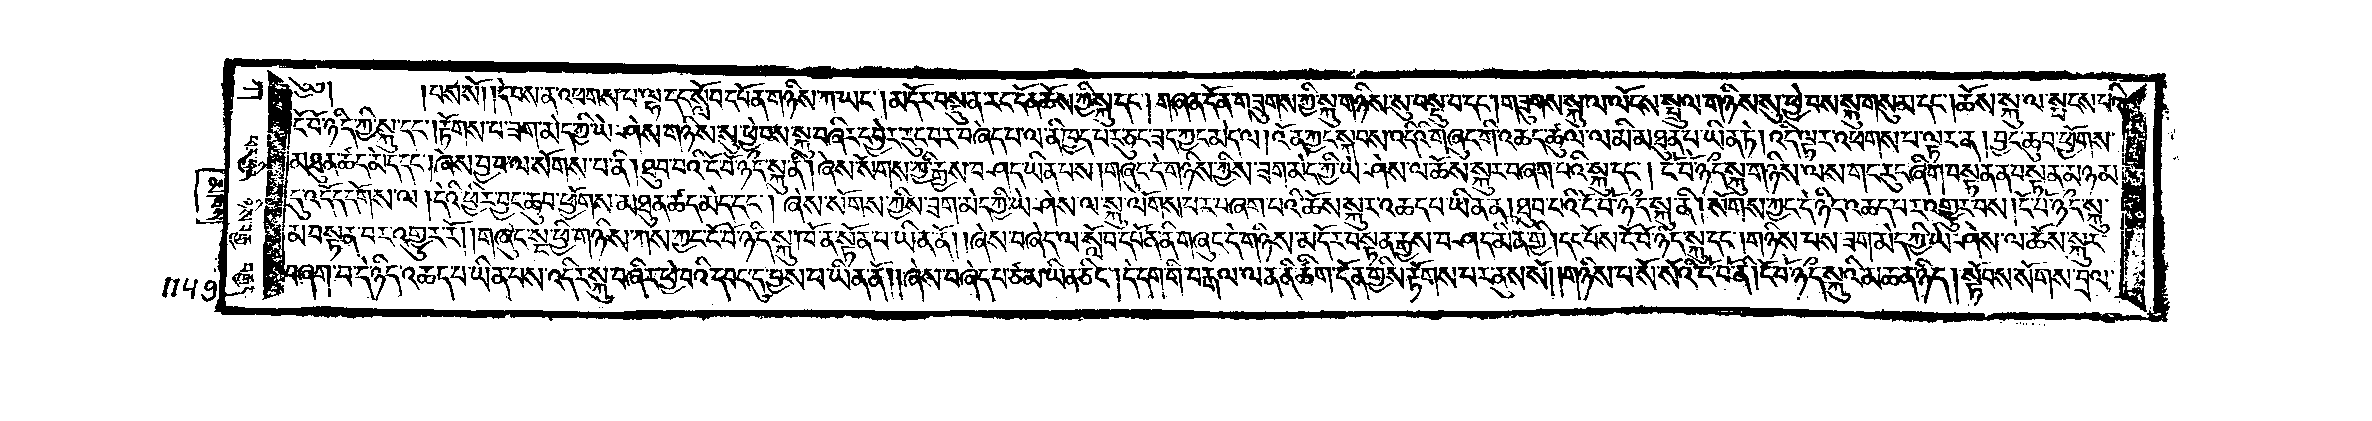༄༅། །པས་སོ། །དེ་བས་ན་འཕགས་པ་ལྷ་དང་སློབ་དཔོན་གཉིས་ཀ་ཡང་། མདོར་བསྡུ་ན་རང་དོན་ཆོས་ཀྱི་སྐུ་དང་། གཞན་དོན་གཟུགས་ཀྱི་སྐུ་གཉིས་སུ་བསྡུ་བ་དང་། གཟུགས་སྐུ་ལ་ལོངས་སྤྲུལ་གཉིས་སུ་ཕྱེ་བས་སྐུ་གསུམ་དང་། ཆོས་སྐུ་ལ་སྤངས་པའི་
ངོ་བོ་ཉིད་ཀྱི་སྐུ་དང་། རྟོགས་པ་ཟག་མེད་ཀྱི་ཡེ་ཤེས་གཉིས་སུ་ཕྱེ་བས་སྐུ་བཞིར་དབྱེར་རུང་བར་བཞེད་པ་ལ་ནི་ཁྱད་པར་ཅུང་ཟད་ཀྱང་མེད་ལ། འོན་ཀྱང་སྐབས་འདིའི་གཞུང་གི་འཆད་ཚུལ་ལ་མི་མཐུན་པ་ཡིན་ཏེ། འདི་ལྟར་འཕགས་པ་ལྟར་ན། བྱང་ཆུབ་ཕྱོགས་
མཐུན་ཚད་མེད་དང་། ཞེས་བྱ་བ་ལ་སོགས་པ་ནི། ཐུབ་པའི་ངོ་བོ་ཉིད་སྐུ་ནི། ཞེས་སོགས་ཀྱི་རྒྱས་བཤད་ཡིན་པས། གཞུང་དེ་གཉིས་ཀྱིས་ཟག་མེད་ཀྱི་ཡེ་ཤེས་ལ་ཆོས་སྐུར་བཞག་པའི་སྐུ་དང་། ངོ་བོ་ཉིད་སྐུ་གཉིས་ལས་གང་རུང་ཞིག་བསྟན་ན་བསྟན་མཉམ་
དུ་འདོད་དགོས་ལ། དེའི་ཕྱིར་བྱང་ཆུབ་ཕྱོགས་མཐུན་ཚད་མེད་དང་། ཞེས་སོགས་ཀྱིས་ཟག་མེད་ཀྱི་ཡེ་ཤེས་ལ་སྐུ་ལ་ལོགས་པར་བཞག་པའི་ཆོས་སྐུར་འཆད་པ་ཡིན་ན། ཐུབ་པའི་ངོ་བོ་ཉིད་སྐུ་ནི། སོགས་ཀྱང་དེ་ཉིད་འཆད་པར་འགྱུར་བས། ངོ་བོ་ཉིད་སྐུ་
མ་བསྟན་པར་འགྱུར་རོ། །གཞུང་སྔ་ཕྱི་གཉིས་ཀས་ཀྱང་ངོ་བོ་ཉིད་སྐུ་ཁོ་ན་སྟོན་པ་ཡིན་ནོ། །ཞེས་བཞེད་ལ་སློབ་དཔོན་ནི་གཞུང་དེ་གཉིས་མདོར་བསྟན་རྒྱས་བཤད་མིན་གྱི། དང་པོས་ངོ་བོ་ཉིད་སྐུ་དང་། གཉིས་པས་ཟག་མེད་ཀྱི་ཡེ་ཤེས་ལ་ཆོས་སྐུར་
བཞག་པ་དེ་ཉིད་འཆད་པ་ཡིན་པས་འདིར་སྐུ་བཞིར་ཕྱེ་བའི་དབང་དུ་བྱས་པ་ཡིན་ནོ། །ཞེས་བཞེད་པ་ཙམ་ཡིན་ཅིང་། དེ་དག་གི་བརྒལ་ལན་ནི་ཚིག་དོན་གྱིས་རྟོགས་པར་ནུས་སོ། །གཉིས་པ་སོ་སོའི་ངོ་བོ་ནི། ངོ་བོ་ཉིད་སྐུའི་མཚན་ཉིད། སྟོབས་སོགས་བྲལ་